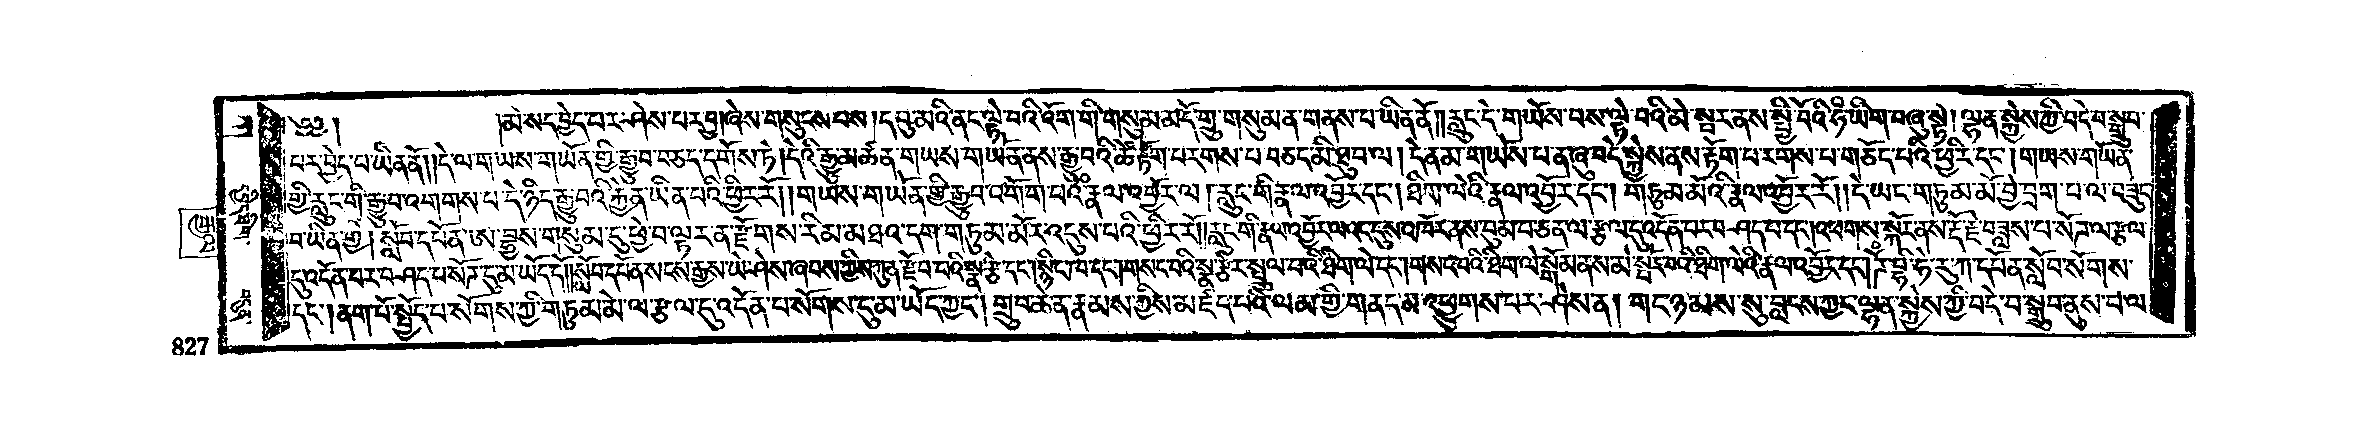༄༅། །མེ་སད་བྱེད་པར་ཤེས་པར་བྱ། ཞེས་གསུངས་པས། དབུ་མའི་ནང་ལྟེ་བའི་འོག་གི་གསུམ་མདོ་གྲུ་གསུམ་ན་གནས་པ་ཡིན་ནོ། །རླུང་དེ་གཡོས་པས་ལྟེ་བའི་མེ་སྦར་ནས་སྤྱི་བོའི་ཧཾ་ཡིག་བཞུ་སྟེ། ལྷན་སྐྱེས་ཀྱི་བདེ་བ་སྒྲུབ་
པར་བྱེད་པ་ཡིན་ནོ། །དེ་ལ་གཡས་གཡོན་གྱི་རྒྱུ་བ་བཅད་དགོས་ཏེ། དེའི་རྒྱུ་མཚན་གཡས་གཡོན་ནས་རྒྱུ་བའི་ཚེ་རྟོག་པ་རགས་པ་བཅད་མི་ཐུབ་ལ། དེ་ན་མ་གཡོས་པ་ན་ཞུ་བདེ་སྐྱེས་ནས་རྟོག་པ་རགས་པ་གཅོད་པའི་ཕྱིར་དང་། གཡས་གཡོན་
གྱི་རླུང་གི་རྒྱུ་བ་འགགས་པ་དེ་ཉིད་རྒྱུ་བའི་རྐྱེན་ཡིན་པའི་ཕྱིར་རོ། །གཡས་གཡོན་གྱི་རྒྱུ་བ་འགོག་པའི་རྣལ་འབྱོར་ལ། རླུང་གི་རྣལ་འབྱོར་དང་། ཐིག་ལེའི་རྣལ་འབྱོར་དང་། གཏུམ་མོའི་རྣལ་འབྱོར་རོ། །དེ་ཡང་གཏུམ་མོ་བྱེ་བྲག་པ་ལ་བཟུང་
བ་ཡིན་གྱི། སློབ་དཔོན་ཨ་བྷྱས་གསུམ་དུ་ཕྱེ་བ་ལྟར་ན་རྫོགས་རིམ་མཐའ་དག་གཏུམ་མོར་འདུས་པའི་ཕྱིར་རོ། །རླུང་གི་རྣལ་འབྱོར་ལའང་དུས་འཁོར་ནས་བུམ་པ་ཅན་ལ་རྩལ་དུ་འདོན་པར་བཤད་པ་དང་། འཕགས་སྐོར་ནས་རྡོ་རྗེ་བཟླས་པ་སོགས་ལ་རྩལ་
དུ་འདོན་པར་བཤད་པ་སོགས་དུ་མ་ཡོད་དོ། །སློབ་དཔོན་སངས་རྒྱས་ཡེ་ཤེས་ཞབས་ཀྱིས་ཀུན་རྫོབ་པའི་སྣ་རྩེ་དང་། སྙིང་ཁ་དང་། གསང་བའི་སྣ་རྩིར་སྤྲུལ་པའི་ཐིག་ལེ་དང་། གསང་བའི་ཐིག་ལེ་སྒོམ་ནས་མེ་སྦོར་བའི་ཐིག་ལེའི་རྣལ་འབྱོར་དང་། ཌོཾ་བྷི་ཧེ་རུ་ཀ་དཔོན་སློབ་སོགས་
དང་། ནག་པོ་སྤྱོད་པ་སོགས་ཀྱི་གཏུམ་མེ་ལ་རྩལ་དུ་འདོན་པ་སོགས་དུ་མ་ཡོད་ཀྱང་། གྲུབ་ཆེན་རྣམས་ཀྱིས་མཛད་པའི་ལམ་གྱི་གནད་མ་འཕྱུགས་པར་ཤེས་ན། གང་ཉམས་སུ་བླངས་ཀྱང་ལྷན་སྐྱེས་ཀྱི་བདེ་བ་སྒྲུབ་ནུས་པ་ལ་